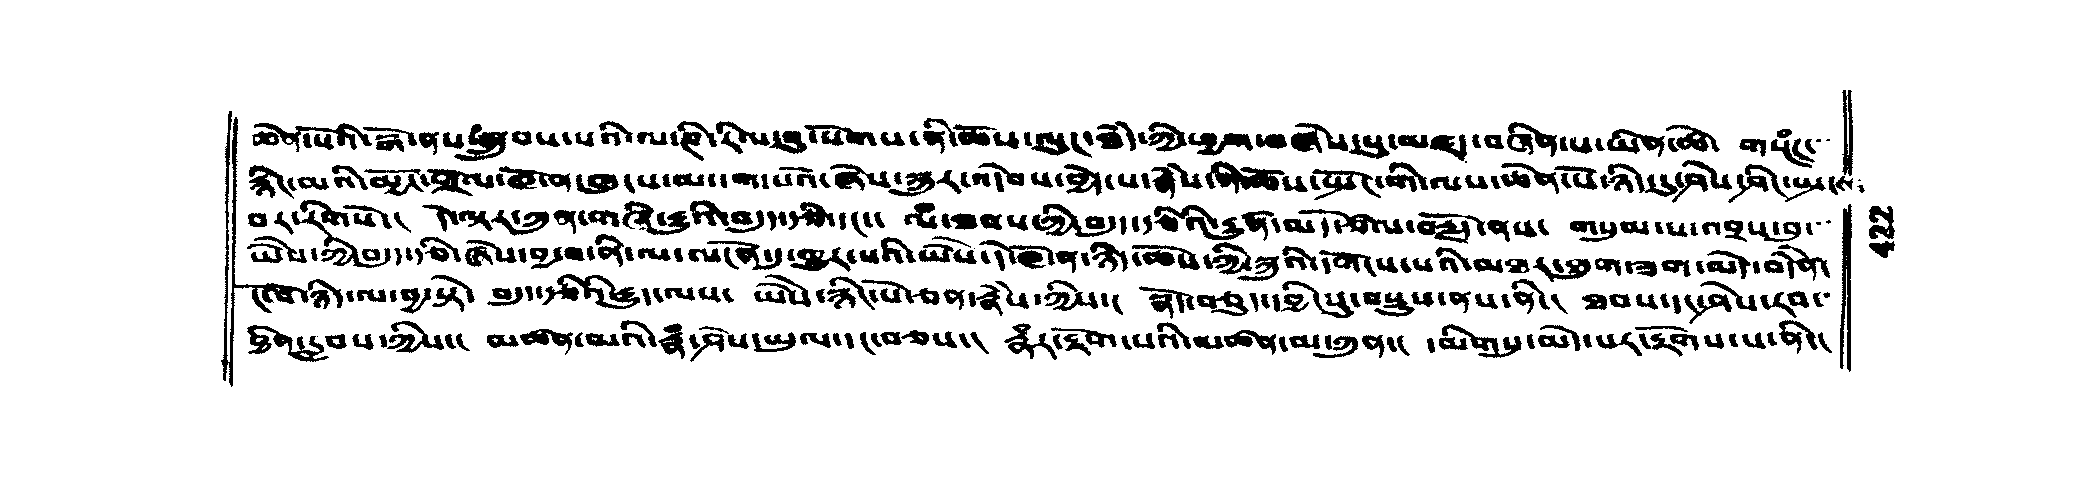ཆེན་པོའི་སྒོ་ནས་བསྒྲུབས་པའི་མ་ཎི་རིལ་བུ་སོགས་ནི་ཆོས་ལུགས་ཐམས་ཅད་ཀྱི་ཕྱག་བཞེས་སུ་མཛད་བཞིན་པ་ཡིན་ཚེ། གསང་སྔགས་
རྙིང་མའི་མྱོང་གྲོལ་ཁོ་ན་ཁུངས་མ་དག་པའོ་ཞེས་སྐུར་འདེབས་བྱེད་པ་རྣམས་ནི་ཆོས་སྤོང་གི་ལས་ཆེན་པོ་ཉིད་དུ་ཤེས་ཞིང་སྤང་
བར་རིགས་སོ། དེ་ལྟར་ཀུན་གཞི་རྒྱུའི་བདུད་རྩི་དང་། ལམ་ཐབས་ཀྱི་བདུད་རྩིའི་རྒྱུ་མཚན་མདོ་ཙམ་བརྗོད་ནས། གསུམ་པ་འབྲས་བུ་
ཡེ་ཤེས་ཀྱི་བདུད་རྩི་ཞེས་བྱ་བ་ནི་གཞི་ལ་མངོན་དུ་གྱུར་པའི་ཡེ་ཤེས་དེ་ཁོ་ན་ཉིད་ཆོས་ཀྱི་སྐུའི་དགོངས་པའི་མཐར་ཐུག་ཟག་མེད་ལམ་བདེན་
ངོ་བོ་ཉིད་ལ་བྱ་སྟེ། བདུད་རྩིའི་རྒྱུད་ལས། ཡེ་ཤེས་སྙིང་པོ་ཅན་རྣམས་ཀྱིས། །སྣོད་བཅུད་དབྱིངས་སུ་བསྡུས་ནས་ནི། །ཐབས་དང་ཤེས་རབ་
བྱིན་རླབས་ཀྱིས། །མཚན་མའི་རྣམ་ཤེས་ཡུལ་དང་བཅས། །རྣམ་པར་རྟོག་པའི་མཚན་མ་ཀུན། །དམིགས་སུ་མེད་པར་རྟོགས་པ་ནི།